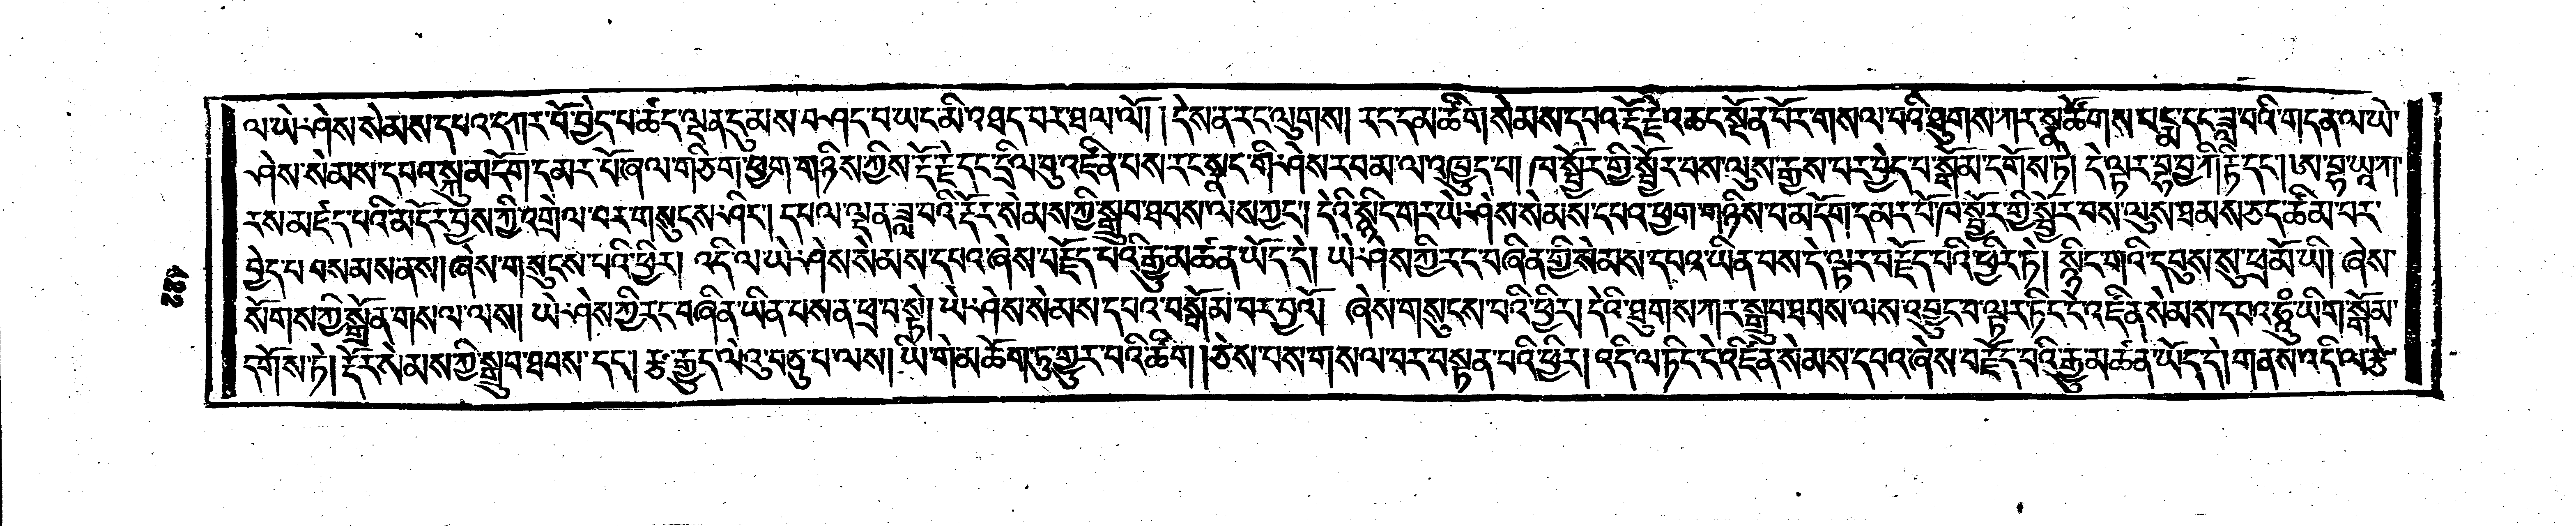ལ་ཡེ་ཤེས་སེམས་དཔའ་དཀར་པོ་བྱེད་པ་ཚད་ལྡན་དུ་མས་བཤད་པ་ཡང་མི་འཐད་པར་ཐལ་ལོ། །དེས་ན་རང་ལུགས། རང་དམ་ཚིག་སེམས་དཔའ་རྡོ་རྗེ་འཆང་སྔོན་པོར་གསལ་བའི་ཐུགས་ཀར་སྣ་ཚོགས་པདམ་དང་ཟླ་བའི་གདན་ལ་ཡེ་
ཤེས་སེམས་དཔའ་སྐུ་མདོག་དམར་པོ་ཞལ་གཅིག་ཕྱག་གཉིས་ཀྱིས་རྡོ་རྗེ་དང་དྲིལ་བུ་འཛིན་པས་རང་སྣང་གི་ཤེས་རབ་མ་ལ་འཁྱུད་པ། ཁ་སྦྱོར་གྱི་སྦྱོར་བས་ལུས་རྒྱས་པར་བྱེད་པ་སྒོམ་དགོས་ཏེ། དེ་ལྟར་བྷ་བྱ་ཀི་རྟི་དང་། ཨ་བྷ་ཡཱ་ཀ་
རས་མཛད་པའི་མདོར་བྱས་ཀྱི་འགྲེལ་པར་གསུངས་ཤིང་། དཔལ་ལྡན་ཟླ་བའི་རྡོར་སེམས་ཀྱི་སྒྲུབ་ཐབས་ལས་ཀྱང་། དེའི་སྙིང་གར་ཡེ་ཤེས་སེམས་དཔའ་ཕྱག་གཉིས་པ་མདོག་དམར་པོ་ཁ་སྦྱོར་བས་ལུས་ཐམས་ཅད་ཚིམ་པར་
བྱེད་པ་བསམས་ནས། ཞེས་གསུངས་པའི་ཕྱིར། འདི་ལ་ཡེ་ཤེས་སེམས་དཔའ་ཞེས་བརྗོད་པའི་རྒྱུ་མཚན་ཡོད་དེ། ཡེ་ཤེས་ཀྱི་རང་བཞིན་གྱི་སེམས་དཔའ་ཡིན་པས་དེ་ལྟར་བརྗོད་པའི་ཕྱིར་ཏེ། སྙིང་གའི་དབུས་སུ་ཕྲ་མོ་ཡི། ཞེས་
སོགས་ཀྱི་སྒྲོན་གསལ་ལས། ཡེ་ཤེས་ཀྱི་རང་བཞིན་ཡིན་པས་ན་ཕྲ་བ་སྟེ། ཡེ་ཤེས་སེམས་དཔའ་བསྒོམ་པར་བྱའོ། ཞེས་གསུངས་པའི་ཕྱིར། དེའི་ཐུགས་ཀར་སྒྲུབ་ཐབས་ལས་འབྱུང་བ་ལྟར་ཏིང་ངེ་འཛིན་སེམས་དཔའ་ཧཱུཾ་ཡིག་སྒོམ་
དགོས་ཏེ། རྡོར་སེམས་ཀྱི་སྒྲུབ་ཐབས་དང་། རྩ་རྒྱུད་ལེའུ་བཅུ་པ་ལས། ཡི་གེ་མཆོག་ཏུ་གྱུར་པའི་ཚིག །ཅེས་པས་གསལ་བར་བསྟན་པའི་ཕྱིར། འདི་ལ་ཏིང་ངེ་འཛིན་སེམས་དཔའ་ཞེས་བརྗོད་པའི་རྒྱུ་མཚན་ཡོད་དེ། གནས་འདི་ལ་རྩེ་